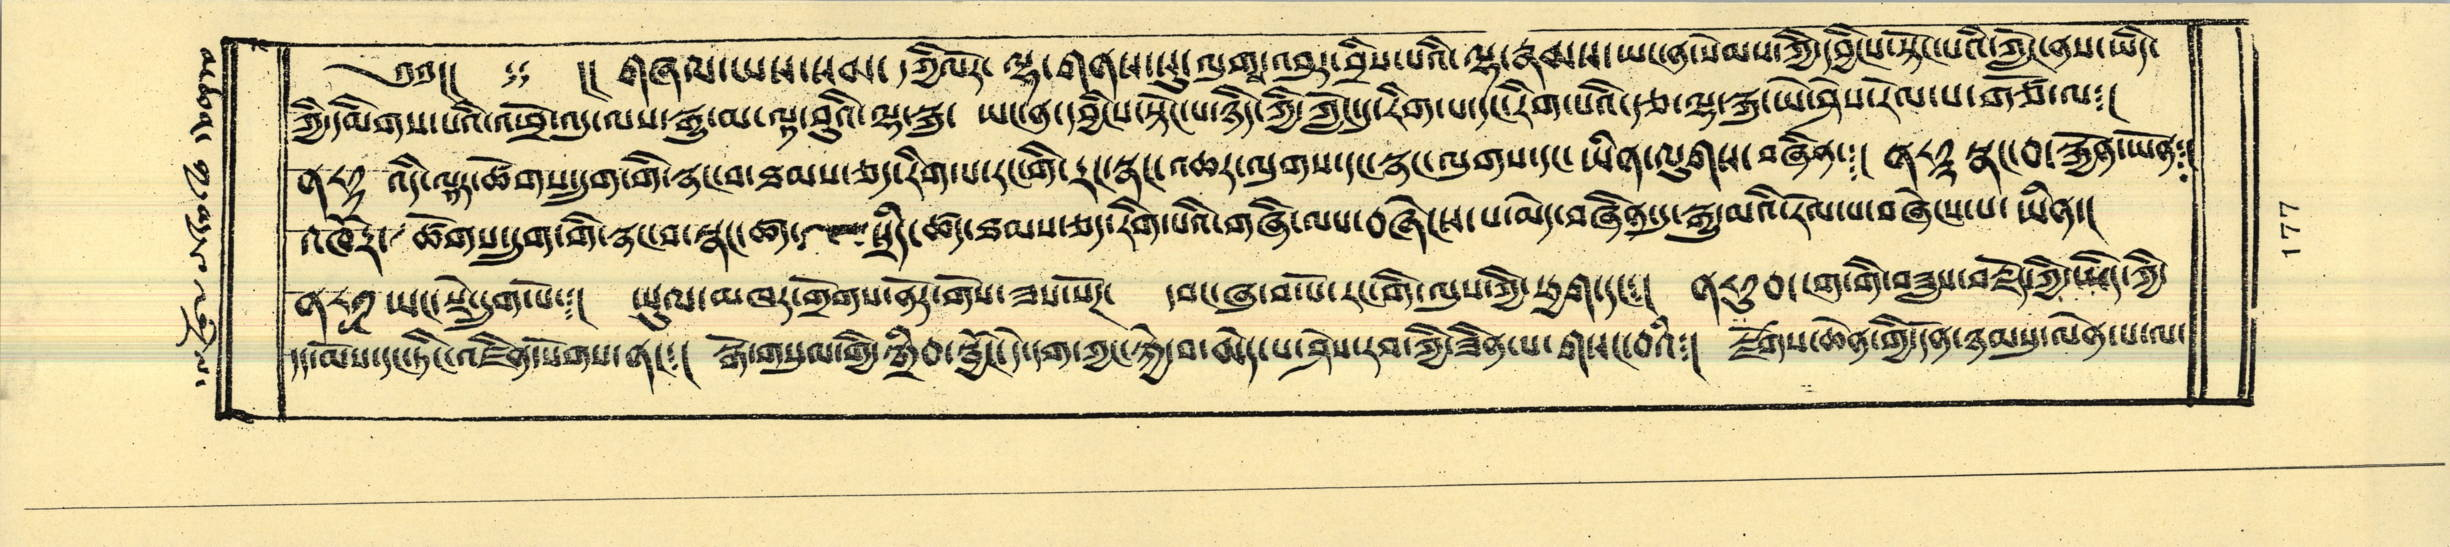༼གཞལ་ཡས་སམ༽དཀྱིལ་འཁོར་༼ལྷ་གནས་སུ༽ལུགས་འབུར་བྲིས་པའི་༼ལྷ་རྣམས༽ཡང་ན་སེམས་ཀྱི་དབྱིངས་སྟོང་པའི་ཀློང་ནས་ཡིད་
ཀྱི་དམིགས་པའི་འཕྲོ་འདུ་ལས་སྒྱུ་མ་ལྟ་བུའི་ལྷ་སྐུ་ཡང་ན་དབྱིངས་སྟོང་པ་ཉིད་ཀྱི་ཀློང་དུ་རིག་པ་དང་རིག་པའི་རྩལ་ལྷ་སྐུ་ཡེ་ཤེས་རོལ་པ་གཙོ་ལ༑ 
ན༨༡།༡ འདི་ལྟར་ཚོགས་དྲུག་གི་སྣང་བ་ཐམས་ཅད་རིག་པ་རང་གི་༼རང་སྣང་༽འཆར་ལུགས་དང་སྣང་ལུགས་དང་༼ཡིན་ལུགས༽བཞིན་ན༨༡།༢ ༼སྣང་བ༽སྐྱོན་ཡོན་
༼འཁོར༽ཚོགས་དྲུག་གི་སྣང་བ་༼སྣང་ཚད༽སྲིད་ཚད་ཐམས་ཅད་རིག་པའི་གཞི་ལས་༼བཞེངས་པ༽མེད་བཞིན་དུ་སྒྱུ་མའི་རོལ་པ་བཞེངས་པ་༼ཡིན༽
ན༨༡།༥༼ཡང༽སྡེ་དྲུག་པོ་༼ཡུལ༽མཁར་གྲོགས་ནོར་གོས་ཟས་སོགས་དབང་ཞུ་བ་པོ་རང་གི་ལུས་ཀྱི་༼ཕྱག་དང༽ན༨༡།༦ བ་ངག་གི་བཟླས་བརྗོད་ཀྱི་ཡིད་ཀྱི་
དད་མོས་དང་ཏིང་འཛིན་སོགས་༼ནང་༽སྒོ་གསུམ་གྱི་༼སྒྲིབ་སྦྱོང་༽དེ་དག་ཀྱང་༼སྐྱེ་བ་མེད་པ༽ཤེས་རབ་ཀྱིས་ཟིན་པ་༼གསང་བའི༽རྫོགས་ཆེན་གྱི་དོན་ཉམས་སུ་ལེན་པ་ལ་